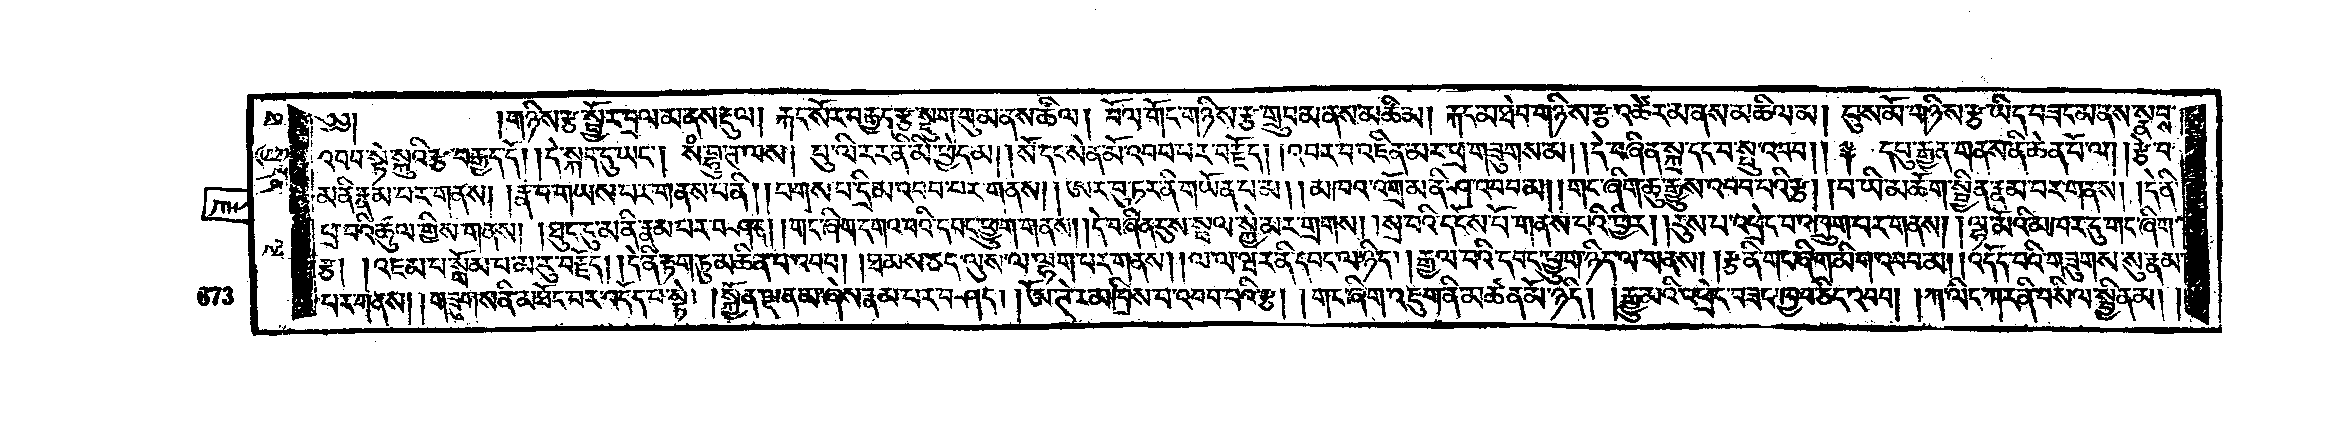༄༅། །གཉིས་རྩ་སྦྱོར་བྲལ་མ་ནས་རྡུལ། རྐང་སོར་བརྒྱད་རྩ་སྡུག་གུ་མ་ནས་ཆིལ། བོལ་གོང་གཉིས་རྩ་གྲུབ་མ་ནས་མཆི་མ། རྐང་མཐེབ་གཉིས་རྩ་འཚེར་མ་ནས་མཆིལ་མ། པུས་མོ་གཉིས་རྩ་ཡིད་བཟང་མ་ནས་སྣབས་
འབབ་སྟེ་སྐུའི་རྩ་བརྒྱད་དོ། །དེ་སྐད་དུ་ཡང་། སཾ་བྷུ་ཊ་ལས། པུ་ལི་རར་ནི་མི་ཕྱེད་མ། །སོ་དང་སེན་མོ་འབབ་པར་བརྗོད། །འབར་བ་འཛིན་མར་ཕྲ་གཟུགས་མ། །དེ་བཞིན་སྐྲ་དང་བ་སྤུ་འབབ།། ༈ དབུ་རྒྱན་གནས་ནི་ཆེན་པོ་ལ། །རྩེ་བ་
མ་ནི་རྣམ་པར་གནས། །རྣ་བ་གཡས་པར་གནས་པ་ནི། །པགས་པ་དྲི་མ་འབབ་པར་གནས། །ཨར་བུ་ཏར་ནི་གཡོན་པ་མ། །མཁའ་འགྲོ་མ་ནི་ཤ་འབབ་མ། །གང་ཞིག་ཆུ་རྒྱུས་འབབ་པའི་རྩ། །བ་ཡི་མཆོག་སྦྱིན་རྣམ་པར་གནས། །དེ་ནི་
ཕྲ་བའི་ཚུལ་གྱིས་གནས། །ཐུང་དུ་མ་ནི་རྣམ་པར་བཤད། །གང་ཞིག་དགའ་བའི་དབང་ཕྱུག་གནས། །དེ་བཞིན་རུས་སྦལ་སྐྱེ་མར་གྲགས། །སྲ་བའི་དངོས་པོ་གནས་པའི་ཕྱིར། །རུས་པ་འཕྲེང་བ་འཁྲུག་པར་གནས། །ལྷ་མོའི་མཁར་དུ་གང་ཞིག་
རྩ། །འཇམ་པ་སྒོམ་པ་མ་རུ་བརྗོད། །དེ་ནི་རྟག་ཏུ་མཆིན་པ་འབབ། །ཐམས་ཅད་ལུས་ལ་ལྷག་པར་གནས། །ལ་ལ་ཝར་ནི་དབང་ལ་ཉིད། །རྒྱལ་བའི་དབང་ཕྱུག་ཉིད་ལ་གནས། །རྩ་ནི་གང་ཞིག་མིག་འབབ་མ། །འདོད་པའི་གཟུགས་སུ་རྣམ་
པར་གནས། །གཟུགས་ནི་མཐོང་བར་འདོད་པ་སྟེ། །སྐྱོན་ལྡན་མ་ཞེས་རྣམ་པར་བཤད། །ཨོ་ཊེར་མཁྲིས་པ་འབབ་པའི་རྩ། །གང་ཞིག་འཇུག་ནི་མཚན་མོ་ཉིད། །རྒྱུ་མའི་འཕྲེང་བཟང་ཁྱབ་ཅིང་འབབ། །ཀ་ལིང་ཀར་ནི་བསིལ་སྦྱིན་མ། །